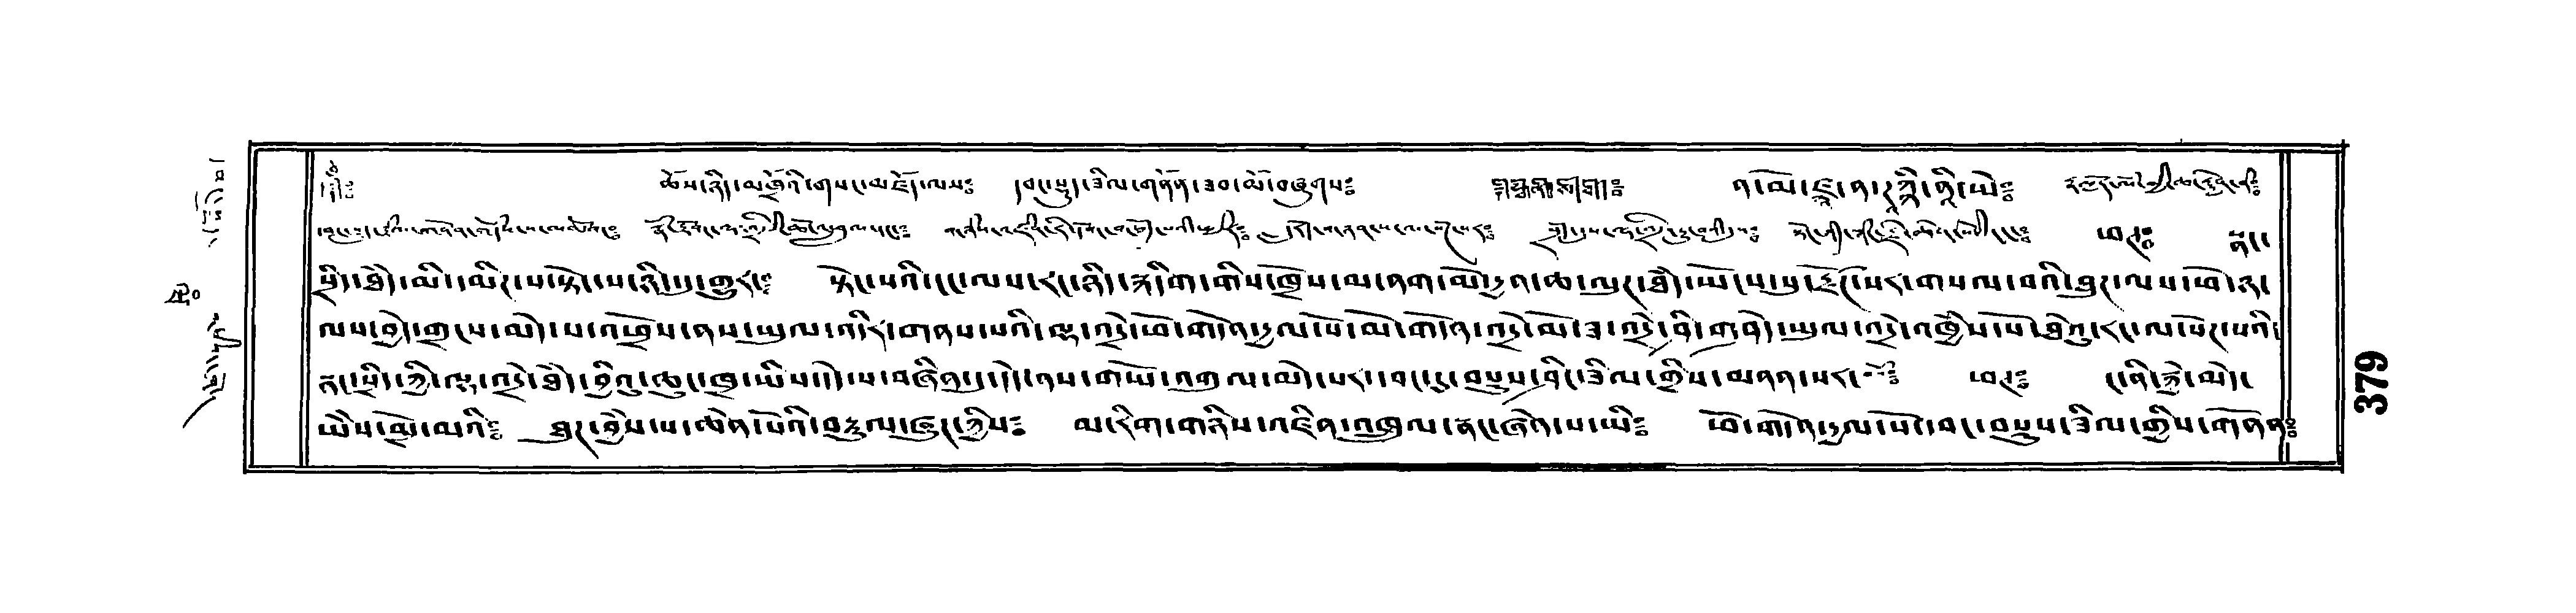ཆོས་ཉིད་མཁའ་འགྲོའི་གསང་མཛོད་ལས༔ དབང་སྡུད་ཟིལ་གནོན་ཟབ་མོ་བཞུགས༔ ན་མོ་ཛྙཱ་ན་ཌཱཀྐི་ནཱི་ཡེ༔ རྣལ་འབྱོར་ལམ་གྱིས་ཆ་རྐྱེན་ནི༔ 
དབང་དུད་ཟིལ་གནོན་གདམས་པ་མཆོག༔ རྣམ་རྟོག་ལྷ་འདྲེའི་ཆོ་འཕྲུལ་དང༔ གཉིས་འཛིན་རེ་དོགས་གཅོད་པའི་ཕྱིར༔ དུར་ཁྲོད་གཉན་ས་ལ་སོགས་པར༔ སྲོད་དུས་ལྷ་འདྲེ་རྒྱུ་བའི་དུས༔ སྟོང་ཉིད་སྙིང་རྗེ་ཆེན་པོའི་ངང༔ ཕཊཿ སྣང་
སྲིད་ཐམས་ཅད་མི་དམིགས་པ་སྟོང་པ་ཉིད་དུ་གྱུར༔ སྟོང་པའི་ངང་ལས་རང་ཉིད་སྐད་ཅིག་གིས་ཁྲོས་མ་ནག་མོ་རྒྱན་ཆ་ལུགས་ཐམས་ཅད་ཡོངས་སུ་རྫོགས་པར་གསལ་བའི་ཐུགས་ལས་ཕོ་ཉ་
ལས་བྱེད་གྲངས་མེད་པ་འཕྲོས་ནས་ཡུལ་འདིར་གནས་པའི་ལྷ་འདྲེ་ཕོ་གདོན་རྒྱལ་པོ་མོ་གདོན་འདྲེ་མོ་ཟ་འདྲེ་ཤི་གཤེད་ཡུལ་འདྲེ་འཁྱམས་པོ་ཐེའུ་རང་ལ་སོགས་པའི་
སྣང་སྲིད་ཀྱི་ལྷ་འདྲེ་ཐམས་ཅད་བྱིའུ་ཆུང་ཁྲ་ཡིས་དེད་པ་བཞིན་དུ་དེད་ནས་གཡོ་འགུལ་མེད་པར་དབང་དུ་བསྡུད་ཤིང་ཟིལ་གྱིས་མནན་པར་བསམ༔ ཕཊཿ ང་ནི་སྐྱེ་མེད་
ཡེ་ཤེས་མཁའ་འགྲོ་མའི༔ ཐུགས་བྱམས་པ་ཆེན་པོའི་བརྟུལ་ཞུགས་ཀྱིས༔ མ་རིག་གཉིས་འཛིན་འཁྲུལ་སྣང་ཞེན་པ་ཡི༔ ཕོ་གདོན་རྒྱལ་པོ་དབང་བསྡུས་ཟིལ་གྱིས་གནོན༔